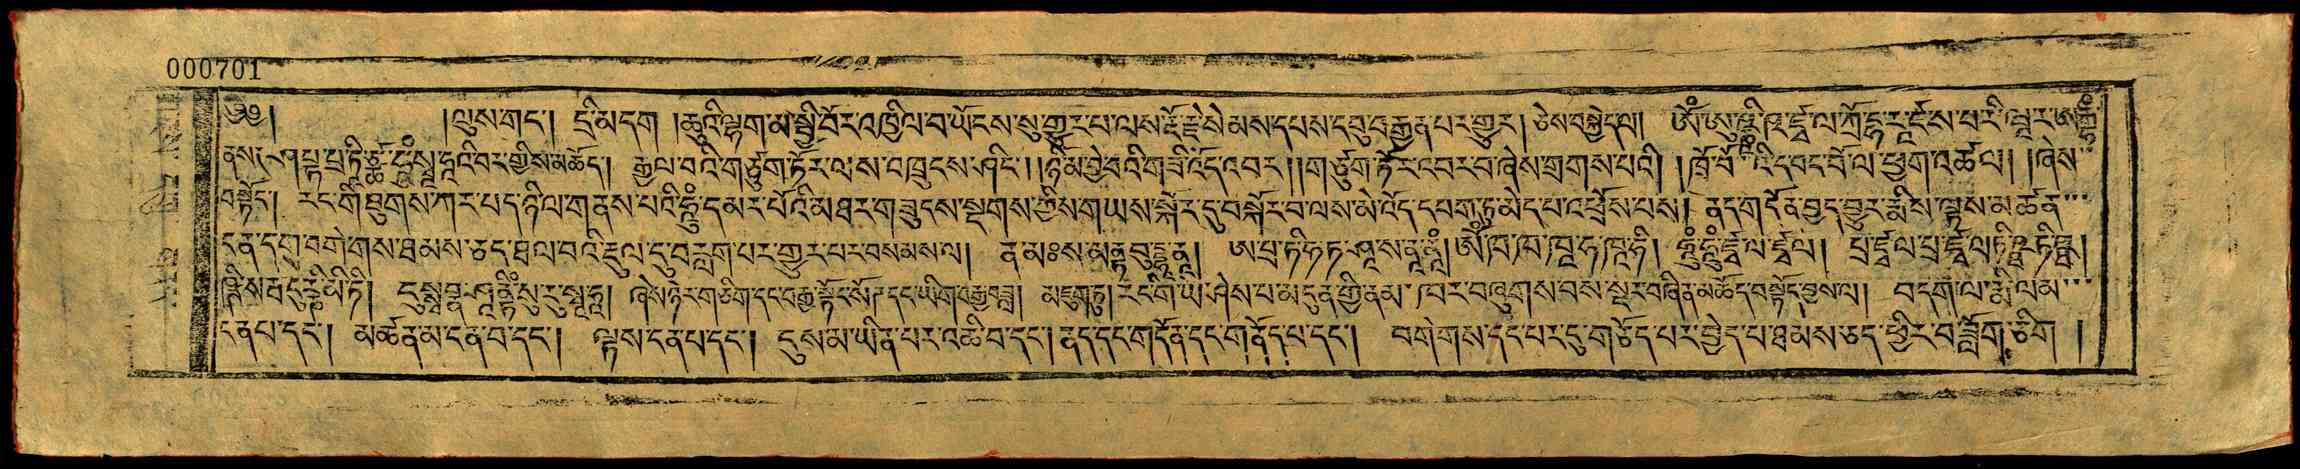༄༅། །ལུས་གང་། དྲི་མ་དག །ཆུའི་ལྷག་མ་སྤྱི་བོར་འཁྱིལ་བ་ཡོངས་སུ་གྱུར་པ་ལས་རྡོ་རྗེ་སེམས་དཔས་དབུ་བརྒྱན་པར་གྱུར། ཅེས་བསྐྱེད་ལ།  ཨོཾ་ཨུཥིཎ་ཥཝ་ཛཝ་ལ་ཀྲོ་དྷ་རཱ་ཛ་ས་པ་རི་ཝཱ་ར་ཨརྒྷཾ་
ནས༑ ཤྤཏ་པྲ་ཏཱི་ཙྪ་ཧཱུཾ་སྭཱ་ཧཱའི་བར་གྱིས་མཆོད། རྒྱལ་བའི་གཙུག་ཏོར་ལས་འཁྲུངས་ཤིང་། །ཉི་མ་བྱེ་བའི་གཟི་འོད་འབར། །གཙུག་ཏོར་འབར་བ་ཞེས་གྲགས་པའི། །འཁྲོ་བོའི་དབང་པོ་ལ་ཕྱག་འཚལ། །ཞེས་
བསྟོད། རང་གི་ཐུགས་ཀར་པད་ཉི་ལ་གནས་པའི་ཧཱུཾ་དམར་པོའི་མཐར་གཟུངས་སྔགས་ཀྱིས་གཡས་སྐོར་དུ་བསྐོར་བ་ལས་མེ་འོད་དཔག་ཏུ་མེད་པ་འཕྲོས་པས། ནད་གདོན་བྱང་བྱུར་རྨིས་ལྟས་མཚན་
ངན་དགྲ་བགེགས་ཐམས་ཅད་ཐལ་བའི་རྡུལ་དུ་བརླག་པར་གྱུར་པར་བསམས་ལ། ན་མཿས་མནྟ་བུདྡྷ་ནཱ། ཨ་པྲ་ཏི་ཧ་ཏ་ཤཱ་ས་ནཱ་ནཱཾ། ཨོཾ་ཁ་ཁ་ཁཱ་ཧི་ཁཱ་ཧི། ཧཱུཾ་ཧཱུཾ་ཛྭ་ལ་ཛྭ་ལ། པྲ་ཛྭ་ལ་པྲ་ཛྭ་ལ་ཏྵིཥྲ་ཏིཥཱཐ།
ཥཱཊིས་རྦ་དུ་རྞིཾ་ཀུ་རུ་སྭཱཧཱ། ཞེས་ཉེར་གཅིག་དང་བརྒྱ་སྟོང་སོཌ་དང་ཡིག་བྲྱ་བཟླ། མཇུག་ཏུ། རང་གི་ཡེ་ཤེས་པ་མདུན་གྱི་ནམ་མཁར་བཞུགས་པ་ལ་སྔར་བཞིན་མཆོད་བསྟོད་བྱས་པ། བདག་ལ་རྨི་ལམ་
ངན་པ་དང་། མཚན་མ་ངན་པ་དང་། ལྟས་ངན་པ་དང་། དུས་མ་ཡིན་པར་འཆི་བ་དང་། ནད་དང་གདོན་དང་གནོད་པ་དང་། བགེགས་དང་བར་དུ་གཅོད་པར་བྱེད་པ་ཐམས་ཅད་ཕྱིར་བཟློག་ཅིག །